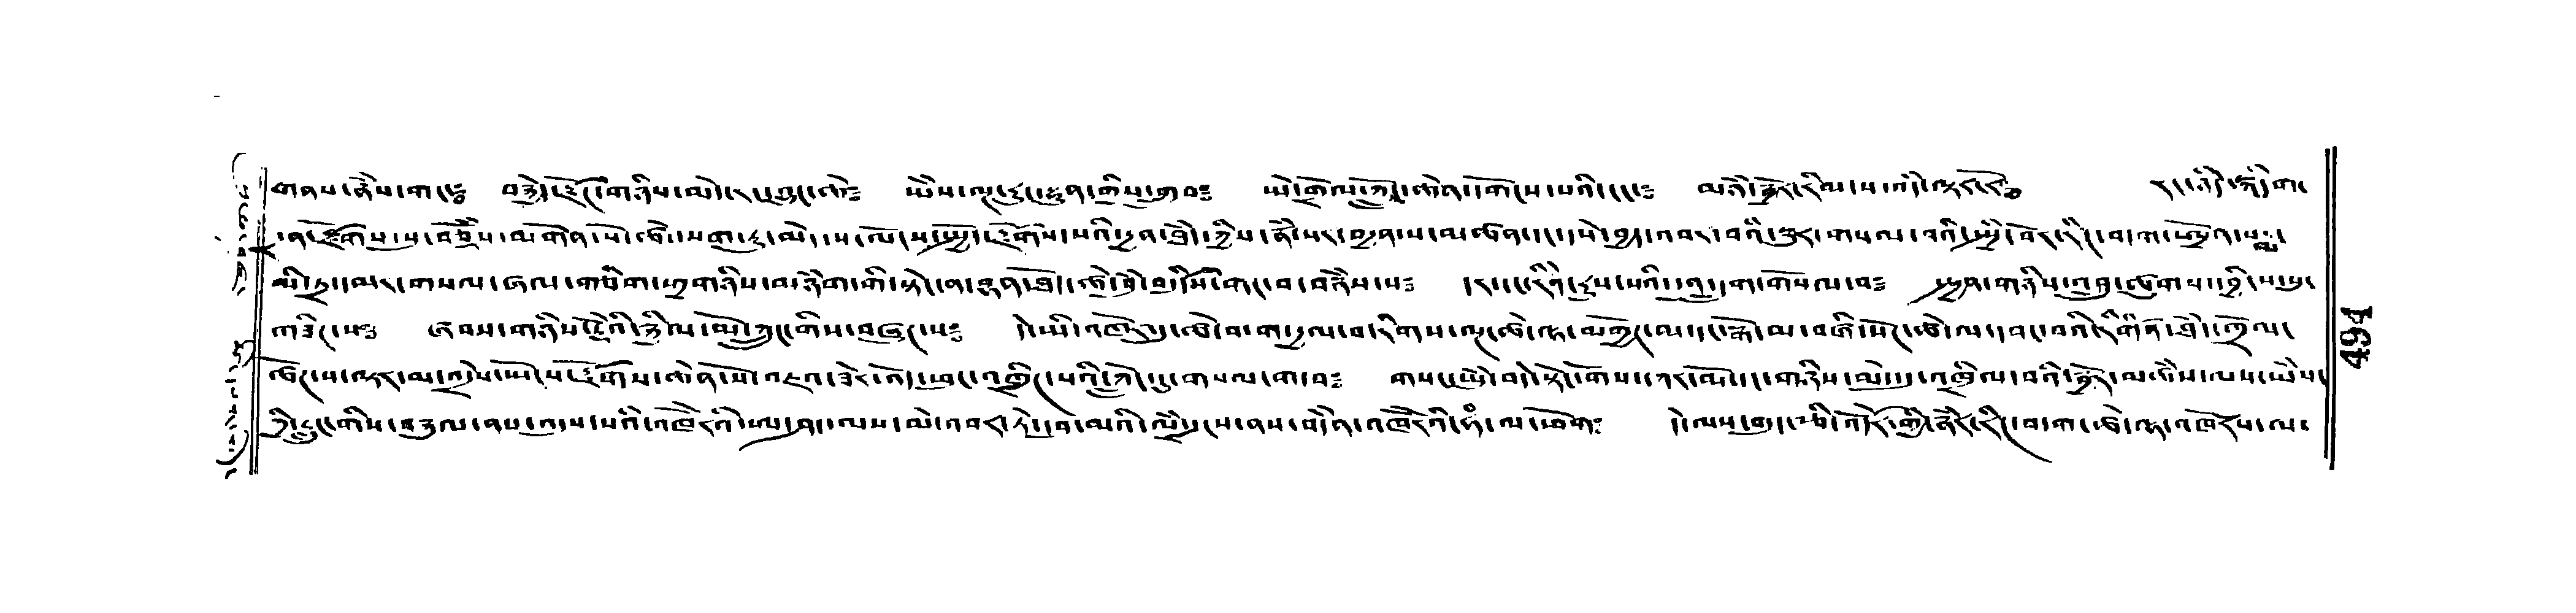གནས་རྣམས་གང༔ བསྐྱེད་རྫོགས་གཉིས་མེད་རང་བྱུང་ཆེ༔ ཡེ་ཤེས་ལྔ་རུ་ལྷུན་གྱིས་གྲུབ༔ ཡེ་གྲོལ་ཀློང་ཆེན་དགོངས་པའི་ངང༔ མཉམ་སྦྱོར་རིམ་པ་འདི་ལྟར་རོ༔ རང་ཉིད་སྐད་ཅིག་
དྲན་རྫོགས་སུ་བཅོམ་ལྡན་འདས་མགོན་པོ་ཚེ་དཔག་ཏུ་མེད་པ་ལོངས་སྤྱོད་རྫོགས་པའི་རྒྱན་ཐམས་ཅད་ཀྱིས་རྣམ་པར་བརྒྱན་པ་མཚན་དང་དཔེ་བྱད་འབར་བའི་སྐུར་གསལ་བའི་སྤྱི་བོར་རིགས་བདག་ཨོ་རྒྱན་པདྨ་
མི་ཏྲ་དམར་གསལ་ཞལ་གཅིག་ཕྱག་གཉིས་མཉམ་བཞག་གི་སྟེང་ན་བྷན་ཐོད་ཚེ་བུམ་བདུད་རྩིས་གང་བ་བསྣམས་པ༔ དར་དང་རིན་ཆེན་རུས་པའི་རྒྱན་དྲུག་གསོལ་བ༔ སྤྱན་གཉིས་འབྲུ་ཚུགས་དབྱིངས་སུ་
གཟིགས་པ༔ ཞབས་གཉིས་རྡོ་རྗེའི་སྐྱིལ་མོ་ཀྲུང་གིས་བཞུགས་པ༔ དེ་ཡི་འཁོར་དུ་ཚེ་བདག་རྒྱལ་བ་རིགས་ལྔ་ཚེ་ལྷ་མགྱོགས་མ་དང་སྒོ་མ་བཞི་སོགས་ཚེ་ལ་དབང་བའི་རིག་འཛིན་ཐམས་ཅད་ཁྲོམ་
ཚོགས་པ་ལྟར་མ་འདྲེས་ཡོངས་རྫོགས་ཆེན་པོ་འཇའ་ཟེར་འོད་ཕུང་འཁྲིགས་པའི་ཀློང་དུ་གསལ་གདབ༔གསང་ཡུམ་བདེ་སྟོང་གོས་དཀར་དང་གཉིས་མེད་དུ་འཁྲིལ་བའི་སྦྱོར་མཚམས་ལས་ཡེ་ཤེས་
ཀྱི་རླུང་གིས་བསྐུལ་ནས་འདུས་པའི་འཁོར་ལོའི་ཨ་ཤད་ལས་མེ་འབར་ཏེ་དབུ་མའི་ལམ་དུ་དྲངས་ནས་བདེ་ཆེན་འཁོར་ལོའི་ཧཾ་ལ་ཕོག༔ དེ་ལས་བདུད་རྩི་འོད་ཟེར་གྱི་རྣམ་པར་རིགས་བདག་ཚེ་ལྷ་འཁོར་བཅས་ལ་